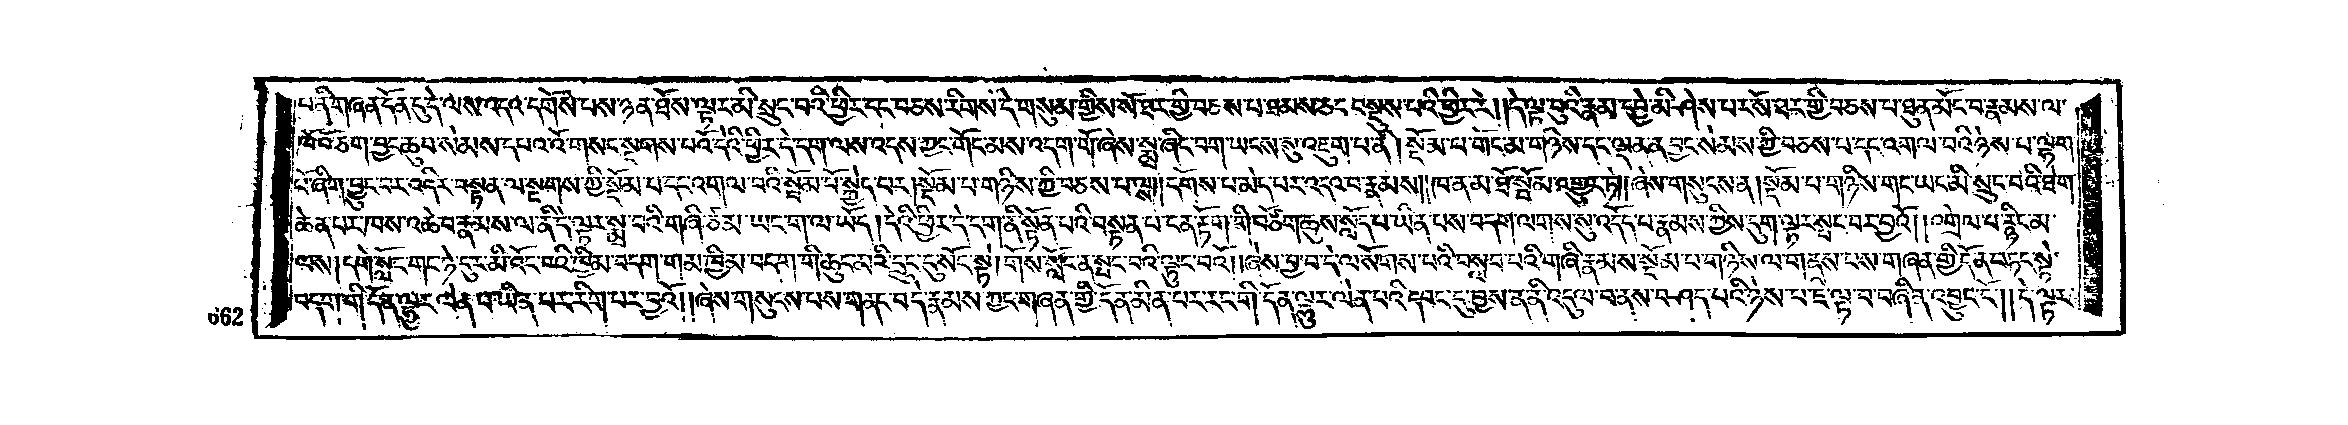པ་ནི་གཞན་དོན་དུ་དེ་ལས་འདའ་དགོས་པས་ཉན་ཐོས་ལྟར་མི་སྲུང་བའི་ཕྱིར་དང་བཅས་རིགས་དེ་གསུམ་གྱིས་སོ་ཐར་གྱི་བཅས་པ་ཐམས་ཅད་བསྡུས་པའི་ཕྱིར་རོ། །དེ་ལྟ་བུའི་རྣམ་དབྱེ་མི་ཤེས་པར་སོ་ཐར་གྱི་བཅས་པ་ཐུན་མོང་བ་རྣམས་ལ་
ཁོ་བོ་ཅག་བྱང་ཆུབ་སེམས་དཔའ་འོ་གསང་སྔགས་པའོ་དེའི་ཕྱིར་དེ་དག་ལས་འདས་ཀྱང་གོང་མས་འདག་གོ་ཞེས་སྨྲ་ཞིང་བག་ཡངས་སུ་འཇུག་པ་ནི། སྡོམ་པ་གོང་མ་གཉིས་དང་ལྡན་ན་བྱང་སེམས་ཀྱི་བཅས་པ་དང་འགལ་བའི་ཉེས་པ་ལྷག་
པོ་ཞིག་བྱུང་བར་འདིར་བསྟན་ལ་སྔགས་ཀྱི་སྡོམ་པ་དང་འགལ་བའི་སྦོམ་པོ་སྐྱེད་པར། སྡོམ་པ་གཉིས་ཀྱི་བཅས་པ་ལས། དགོས་པ་མེད་པར་འདའ་བ་རྣམས། །ཁ་ན་མ་ཐོ་སྦོམ་འགྱུར་ཏེ། །ཞེས་གསུངས་ན། སྡོམ་པ་གཉིས་གང་ཡང་མི་སྲུང་བའི་ཐེག་
ཕ༹ཆེན་པར་ཁས་འཆེ་བ་རྣམས་ལ་ནི་དེ་ལྟར་སྨྲ་བའི་གཞི་ཙམ་ཡང་ག་ལ་ཡོད། དེའི་ཕྱིར་དེ་དག་ནི་སྟོན་པའི་བསྟན་པ་ངན་རྟོག་གི་བཙོག་ཆུས་སློད་པ་ཡིན་པས་བདག་ལགས་སུ་འདོད་པ་རྣམས་ཀྱིས་དུག་ལྟར་སྤང་བར་བྱའོ། །འགྲེལ་པ་རྙིང་མ་
ལས། དགེ་སློང་གང་ཉེ་དུར་མི་འོང་བའི་ཁྱིམ་བདག་གམ་ཁྱིམ་བདག་གི་ཆུང་མའི་དྲུང་དུ་སོང་སྟེ། གོས་སློང་ན་སྤང་བའི་ལྟུང་བའོ། །ཞེས་བྱ་བ་དེ་ལ་སོགས་པའི་བསླབ་པའི་གཞི་རྣམས་སྡོམ་པ་གཉིས་ལ་གནས་པས་གཞན་གྱི་དོན་བཏང་སྟེ་
བདག་གི་དོན་ལྷུར་ལེན་པ་ཡིན་པར་རིག་པར་བྱའོ། །ཞེས་གསུངས་པས་གནང་བ་དེ་རྣམས་ཀྱང་གཞན་གྱི་དོན་མིན་པར་རང་གི་དོན་ལྷུར་ལེན་པའི་དབང་དུ་བྱས་ན་ནི་འདུལ་བ་ནས་བཤད་པའི་ཉེས་པ་ཇི་ལྟ་བ་བཞིན་འབྱུང་ངོ། །དེ་ལྟར་